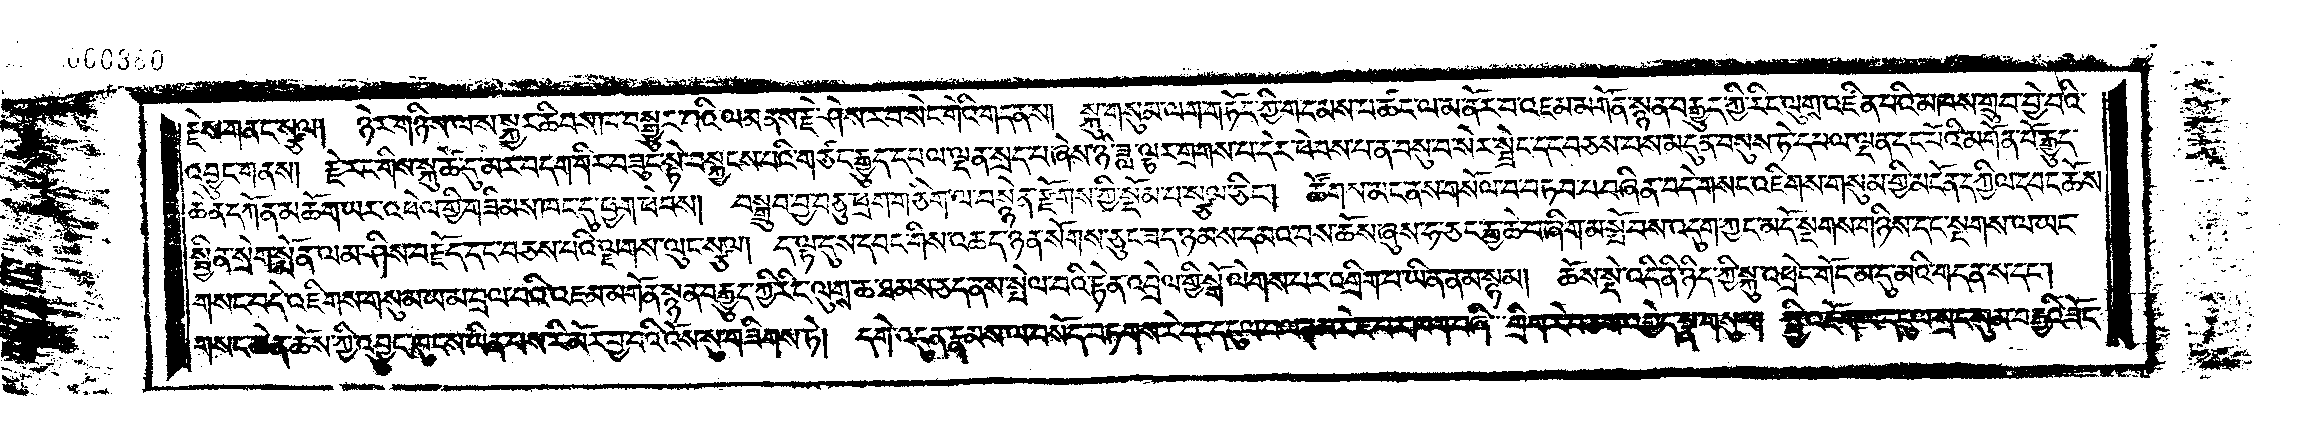རྗེས་གནང་སྩལ། ཉེར་གཉིས་ལས་སྐྱར་ཆིབས་ཁ་བསྒྱུར་བའི་ལམ་ནས་རྗེ་ཤེས་རབ་སེང་གེའི་གདན་ས། སྐུ་གསུམ་ལག་གཏོད་ཀྱི་གདམས་པ་ཚང་ལམ་ནོར་བ་འཇམ་མགོན་སྙན་བརྒྱུད་ཀྱི་རིང་ལུགས་འཛིན་པའི་མཁས་གྲུབ་པྱེ་བའི་
འབྱུང་གནས། རྗེ་རང་གིས་སྐུ་ཚེ་དུ་མར་བདག་གིར་བཟུང་སྟེ་བསྐྱངས་བའི་གཙང་རྒྱུད་དཔལ་ལྡན་སྲད་པ་ཞེས་ཉི་ཟླ་ལྟར་གྲགས་པ་དེར་ཕེབས་པ་ན་བསུ་བ་སེར་སྤྲེང་དབང་བཅས་པས་མདུན་བསུས་ཏེ་དཔལ་ལྡན་དང་པོའི་མགོན་པོ་རྒྱུད་
ཆེན་དཀོན་མཆོག་ཡར་འཕེལ་གྱི་གཟིམས་ཁང་དུ་ཕྱག་ཕེབས། བསྒྲུབ་བྱ་བཅུ་ཕྲག་གཅིག་ལ་བསྙེན་རྫོགས་ཀྱི་སྡོམ་པ་སྩལ་ཅིང་། ཚོགས་མང་ནས་གསོལ་བ་བཏབ་པ་བཞིན་བདེ་གསང་འཇིགས་གསུམ་གྱི་མངོན་དཀྱིལ་དབང་ཆོས་
སྦྱིན་སྲེག་སྨོན་ལམ་ཤིས་བརྗོད་དང་བཅས་པའི་ལྗགས་ལུང་སྩལ། ད་ལྟ་དུས་དབང་གིས་འཆད་ཉན་སོགས་ཅུང་ཟད་ཉམས་དམའ་བས་ཆོས་ཞུས་ཧ་ཅང་རྒྱ་ཆེ་བ་ཞིག་མ་སྤོབས་འདུག་ཀྱང་མདོ་སྔགས་གཉིས་དང་སྔགས་ལ་ཡང་
གསང་བདེ་འཇིགས་གསུམ་ཡ་མ་བྲལ་བའི་འཇམ་མགོན་སྙན་བརྒྱུད་ཀྱི་རིང་ལུགས་ཆ་ཐམས་ཅད་ནས་སྤེལ་བའི་རྟེན་འབྲེལ་གྱི་སྒོ་ལེགས་པར་འགྲིག་པ་ཡིན་ནམ་སྙམ། ཆོས་སྡེ་འདི་ནི་ཉིད་ཀྱི་སྐུ་འཕྲེང་གོང་མ་དུ་མའི་གདན་ས་དང་།
གསང་ཆེན་ཆོས་ཀྱི་འབྱུང་ཁུངས་ཡིན་པས་རི་མོར་བྱ་བའི་འོས་སུ་གཟིགས་ཏེ། དགེ་འདུན་རྣམས་ལ་བསོད་བཏགས་རེ་དང་དངུལ་བལ་ཊམ་རེ་ཇ་བར་ཁག་བཞི་གྲིག་རེ་བཅས་འགྱེད་སྣ་གསུམ། སྤྱི་འཇོག་ལ་དངུལ་སྲང་སུམ་བརྒྱའི་ཟོང་